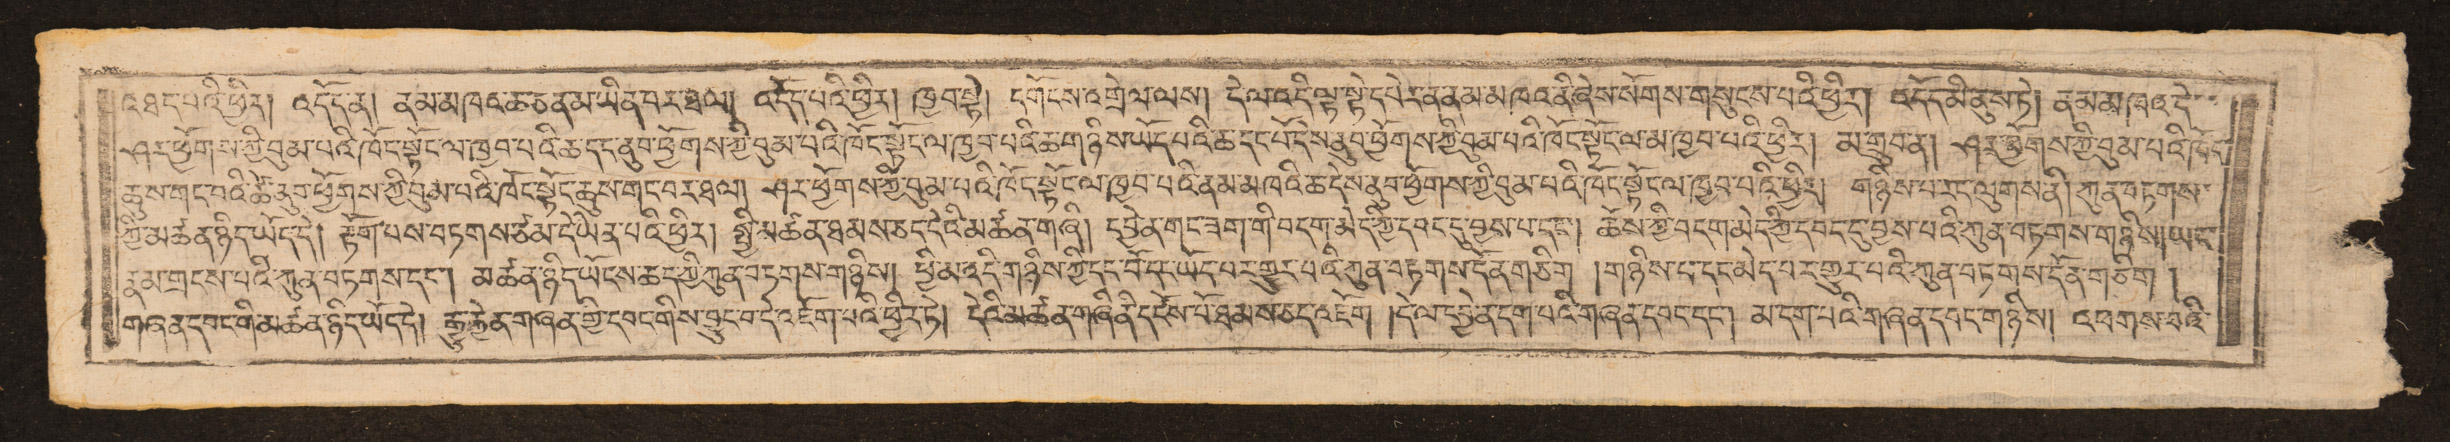འཐད་པའི་ཕྱིར། འདོད་ན། ནམ་མཁའ་ཆ་ཅན་མ་ཡིན་པར་ཐལ། འདོད་པའི་ཕྱིར། ཁྱབ་སྟེ། དགོངས་འགྲེལ་ལས། དེ་ལ་འདི་ལྟ་སྟེ་དཔེར་ན་ནམ་མཁའ་ནི་ཞེས་སོགས་གསུངས་པའི་ཕྱིར། འདོད་མི་ནུས་ཏེ། ནམ་མཁའ་དེ་
ཤར་ཕྱོགས་ཀྱི་བུམ་པའི་ཁོང་སྟོང་ལ་ཁྱབ་པའི་ཆ་དང་ནུབ་ཕྱོགས་ཀྱི་བུམ་པའི་ཁོང་སྟོང་ལ་ཁྱབ་པའི་ཆ་གཉིས་ཡོད་པའི་ཆ་དང་པོ་དེས་ནུབ་ཕྱོགས་ཀྱི་བུམ་པའི་ཁོང་སྟོང་ལ་མ་ཁྱབ་པའི་ཕྱིར། མ་གྲུབ་ན། ཤར་ཕྱོགས་ཀྱི་བུམ་པའི་ཁོང་
ཆུས་གང་བའི་ཚེ་ནུབ་ཕྱོགས་ཀྱི་བུམ་པའི་ཁོང་སྟོང་ཆུས་གང་བར་ཐལ། ཤར་ཕྱོགས་ཀྱི་བུམ་པའི་ཁོང་སྟོང་ལ་ཁྱབ་པའི་ནམ་མཁའི་ཆ་དེས་ནུབ་ཕྱོགས་ཀྱི་བུམ་པའི་ཁོང་སྟོང་ལ་ཁྱབ་པའི་ཕྱིར། གཉིས་པ་རང་ལུགས་ནི། ཀུན་བཏགས་
ཀྱི་མཚན་ཉིད་ཡོད་དེ། རྟོག་པས་བཏགས་ཙམ་དེ་ཡིན་པའི་ཕྱིར། སྤྱི་མཚན་ཐམས་ཅད་དེའི་མཚན་གཞི། དབྱེ་ན་གང་ཟག་གི་བདག་མེད་ཀྱི་དབང་དུ་བྱས་པ་དང་། ཆོས་ཀྱི་བདག་མེད་ཀྱི་དབང་དུ་བྱས་པའི་ཀུན་བཏགས་གཉིས། ཡང་
རྣམ་གྲངས་པའི་ཀུན་བཏགས་དང་། མཚན་ཉིད་ཡོངས་ཆད་ཀྱི་ཀུན་བཏགས་གཉིས། ཕྱི་མ་འདི་གཉིས་ཀྱི་དང་པོ་དང་ཡོད་པར་གྱུར་པའི་ཀུན་བཏགས་དོན་གཅིག །གཉིས་པ་དང་མེད་པར་གྱུར་པའི་ཀུན་བཏགས་དོན་གཅིག །
གཞན་དབང་གི་མཚན་ཉིད་ཡོད་དེ། རྒྱུ་རྐྱེན་གཞན་གྱི་དབང་གིས་བྱུང་བ་དེ་འཇོག་པའི་ཕྱིར་ཏེ། དེའི་མཚན་གཞི་ནི་དངོས་པོ་ཐམས་ཅད་འཇོག །དེ་ལ་དབྱེ་ན་དག་བའི་གཞན་དབང་དང་། མ་དག་པའི་གཞན་དབང་གཉིས། འཕགས་པའི་